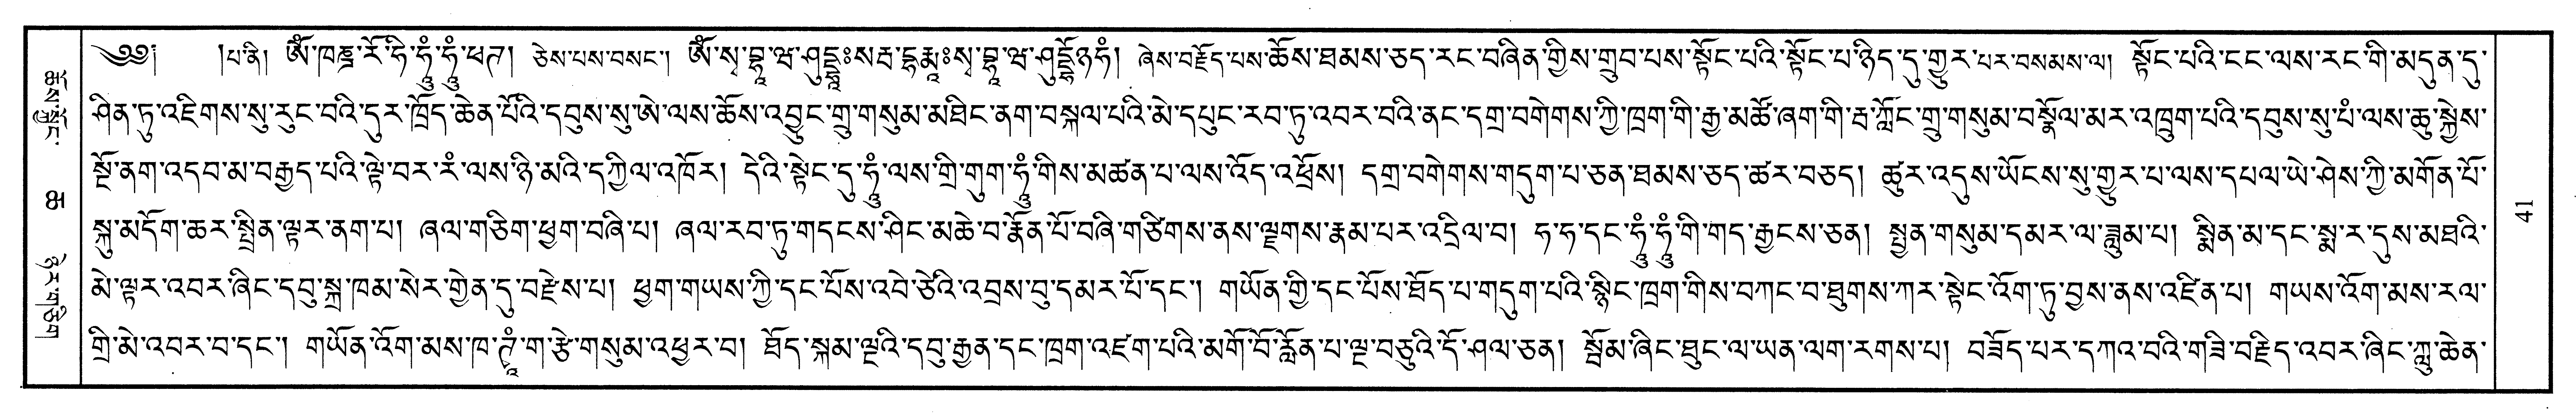༄༅། །པ་ནི། ཨོཾ་ཁཎྜ་རོ་ཧི་ཧཱུཾ་ཧཱུཾ་ཕཊ། ཅེས་པས་བསང་། ཨོཾ་སྭ་བྷཱ་ཝ་ཤུདྡྷཱཿསརྦ་དྷརྨཱཿསྭ་བྷཱ་ཝ་ཤུདྡྷོཉཧཾ། ཞེས་བརྗོད་པས་ཆོས་ཐམས་ཅད་རང་བཞིན་གྱིས་གྲུབ་པས་སྟོང་པའི་སྟོང་པ་ཉིད་དུ་གྱུར་པར་བསམས་ལ། སྟོང་པའི་ངང་ལས་རང་གི་མདུན་དུ་
ཤིན་ཏུ་འཇིགས་སུ་རུང་བའི་དུར་ཁྲོད་ཆེན་པོའི་དབུས་སུ་ཨེ་ལས་ཆོས་འབྱུང་གྲུ་གསུམ་མཐིང་ནག་བསྐལ་པའི་མེ་དཔུང་རབ་ཏུ་འབར་བའི་ནང་དགྲ་བགེགས་ཀྱི་ཁྲག་གི་རྒྱ་མཚོ་ཞག་གི་རྦ་ཀློང་གྲུ་གསུམ་བསྣོལ་མར་འཁྲུག་པའི་དབུས་སུ་པཾ་ལས་ཆུ་སྐྱེས་
སྔོ་ནག་འདབ་མ་བརྒྱད་པའི་ལྟེ་བར་རཾ་ལས་ཉི་མའི་དཀྱིལ་འཁོར། དེའི་སྟེང་དུ་ཧཱུཾ་ལས་གྲི་གུག་ཧཱུཾ་གིས་མཚན་པ་ལས་འོད་འཕྲོས། དགྲ་བགེགས་གདུག་པ་ཅན་ཐམས་ཅད་ཚར་བཅད། ཚུར་འདུས་ཡོངས་སུ་གྱུར་པ་ལས་དཔལ་ཡེ་ཤེས་ཀྱི་མགོན་པོ་
སྐུ་མདོག་ཆར་སྤྲིན་ལྟར་ནག་པ། ཞལ་གཅིག་ཕྱག་བཞི་པ། ཞལ་རབ་ཏུ་གདངས་ཤིང་མཆེ་བ་རྣོན་པོ་བཞི་གཙིགས་ནས་ལྗགས་རྣམ་པར་འདྲིལ་བ། ཧ་ཧ་དང་ཧཱུཾ་ཧཱུཾ་གི་གད་རྒྱངས་ཅན། སྤྱན་གསུམ་དམར་ལ་ཟླུམ་པ། སྨིན་མ་དང་སྨ་ར་དུས་མཐའི་
མེ་ལྟར་འབར་ཞིང་དབུ་སྐྲ་ཁམ་སེར་གྱེན་དུ་བརྫེས་པ། ཕྱག་གཡས་ཀྱི་དང་པོས་འབེ་ཙེའི་འབྲས་བུ་དམར་པོ་དང་། གཡོན་གྱི་དང་པོས་ཐོད་པ་གདུག་པའི་སྙིང་ཁྲག་གིས་བཀང་བ་ཐུགས་ཀར་སྟེང་འོག་ཏུ་བྱས་ནས་འཛིན་པ། གཡས་འོག་མས་རལ་
གྲི་མེ་འབར་བ་དང་། གཡོན་འོག་མས་ཁ་ཊྭཱཾ་ག་རྩེ་གསུམ་འཕྱར་བ། ཐོད་སྐམ་ལྔའི་དབུ་རྒྱན་དང་ཁྲག་འཛག་པའི་མགོ་བོ་རློན་པ་ལྔ་བཅུའི་དོ་ཤལ་ཅན། སྦོམ་ཞིང་ཐུང་ལ་ཡན་ལག་རགས་པ། བཟོད་པར་དཀའ་བའི་གཟི་བརྗིད་འབར་ཞིང་ཀླུ་ཆེན་